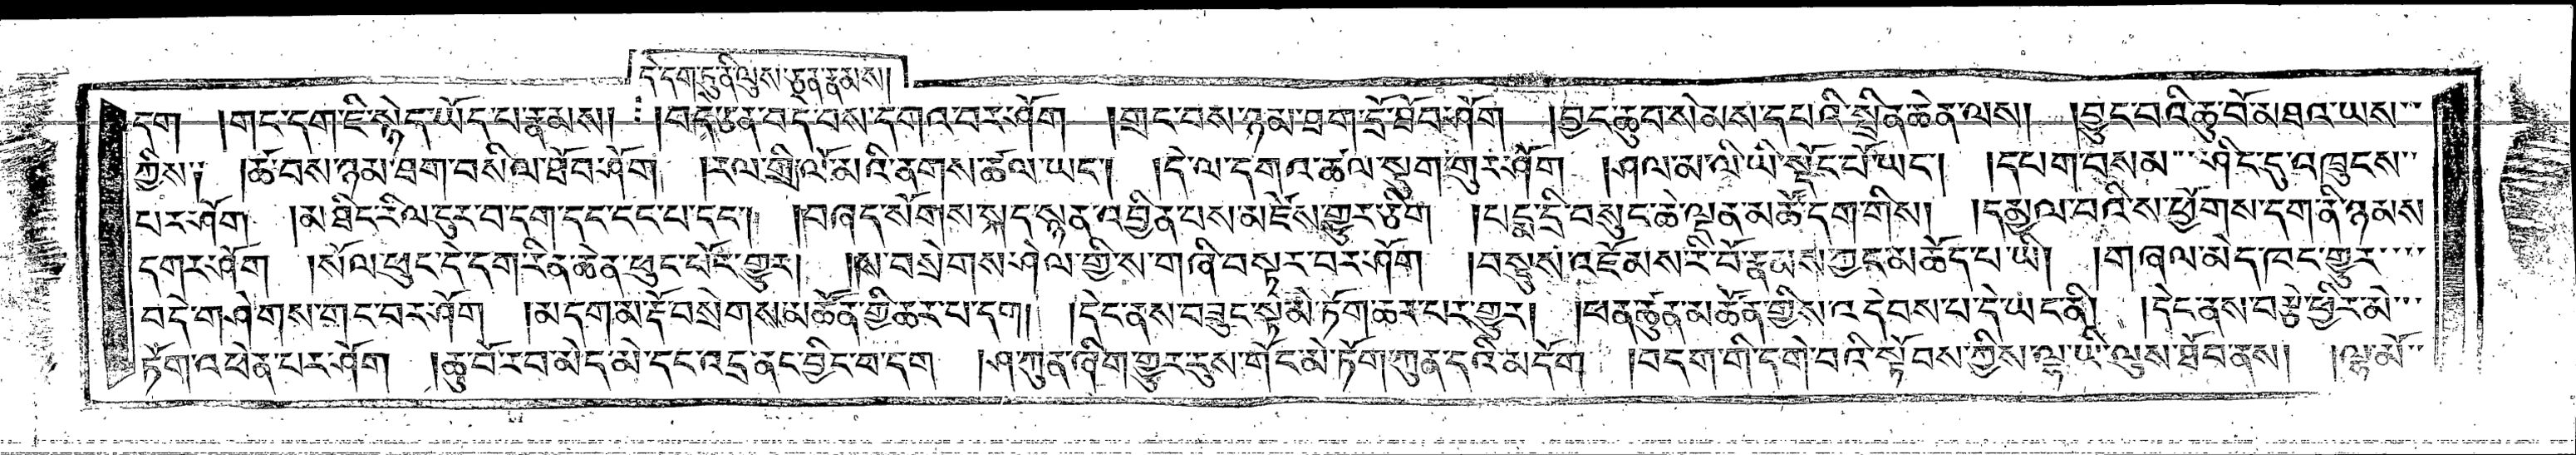དག །གང་དག་ཇི་སྙེད་ཡོད་པ་རྣམས། །དེ་དག་ཏུ་ནི་ལུས་ཅན་རྣམས། །བདེ་ཅན་བདེ་བས་དགའ་བར་ཤོག །གྲང་བས་ཉམ་ཐག་དྲོ་ཐོབ་ཤོག །བྱང་ཆུབ་སེམས་དཔའི་སྤྲིན་ཆེན་ལས། །བྱུང་བའི་ཆུ་བོ་མཐའ་ཡས་
ཀྱིས༑ །ཚ་བས་ཉམ་ཐག་བསིལ་ཐོབ་ཤོག །རལ་གྲི་ལོ་མའི་ནགས་ཚལ་ཡང་། །དེ་ལ་དགའ་ཚལ་སྡུག་གུར་ཤོག །ཤལ་མ་ལི་ཡི་སྡོང་པོ་ཡང་། །དཔག་བསམ་ཤིང་དུ་འཁྲུངས་
པར་ཤོག །མཐིང་རིལ་ངུར་བ་དག་དང་ངང་པ་དང་། །བཞད་སོགས་སྐད་སྙན་འབྱིན་པས་མཛེས་གྱུར་ཅིག །པདམ་དྲི་བསུང་ཆེ་ལྡན་མཚོ་དག་གིས། །དམྱལ་བའི་ས་ཕྱོགས་དག་ནི་ཉམས་
དགར་ཤོག །སོལ་ཕུང་དེ་དག་རིན་ཆེན་ཕུང་པོར་གྱུར། །ས་བསྲེགས་ཤེལ་གྱི་ས་གཞི་བསྟར་བར་ཤོག །བསྡུས་འཇོམས་རི་བོ་རྣམས་ཀྱང་མཆོད་པ་ཡི། །གཞལ་མེད་ཁང་གྱུར་
བདེ་གཤེགས་གང་བར་ཤོག །མདག་མ་རྡོ་བསྲེགས་མཚོན་གྱི་ཆར་པ་དག །དེང་ནས་བཟུང་སྟེ་མེ་ཏོག་ཆར་པར་གྱུར། །ཕན་ཚུན་མཚོན་གྱིས་འདེབས་པ་དེ་ཡང་ནི། །དེང་ནས་བརྩེ་ཕྱིར་མེ་
ཏོག་འཕེན་པར་ཤོག །ཆུ་བོ་རབ་མེད་མེ་དང་འདྲ་ནང་བྱིང་བ་དག །ཤ་ཀུན་ཞིག་གྱུར་རུས་གོང་མེ་ཏོག་ཀུན་དའི་མདོག །བདག་གི་དགེ་བའི་སྟོབས་ཀྱིས་ལྷ་ཡི་ལུས་ཐོབ་ནས། །ལྷོ་མོ་